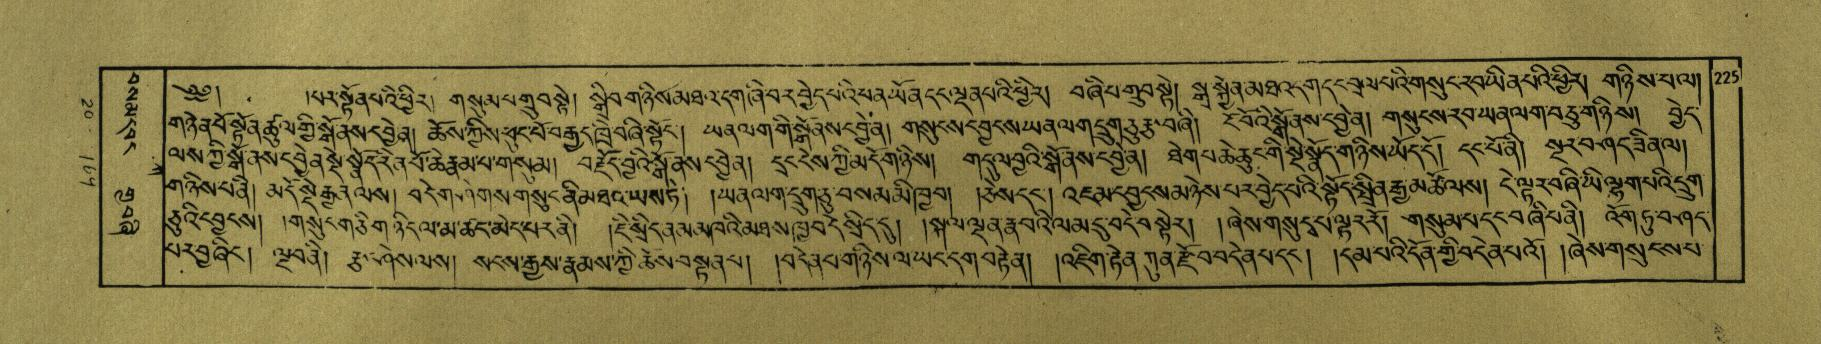༄༅། །པར་སྟོན་པའི་ཕྱིར། གསུམ་པ་གྲུབ་སྟེ། སྒྲིབ་གཉིས་མཐའ་དག་ཞི་བར་བྱེད་པའི་ཕན་ཡོན་དང་ལྡན་པའི་ཕྱིར། བཞི་པ་གྲུབ་སྟེ། སྒྲ་སྐྱོན་མཐའ་དག་དང་བྲལ་བའི་གསུང་རབ་ཡིན་པའི་ཕྱིར། གཉིས་པ་ལ།
གཉེན་པོ་སྟོན་ཚུལ་གྱི་སྒོ་ནས་དབྱེ་ན། ཆོས་ཀྱིས་ཕུང་པོ་བརྒྱད་ཁྲི་བཞི་སྟོང་། ཡན་ལག་གི་སྒོ་ནས་དབྱེ་ན། གསུངས་དབྱངས་ཡན་ལག་དྲུག་ཅུ་རྩ་བཞི། ངོ་བོའི་སྒོ་ནས་དབྱེ་ན། གསུངས་རབ་ཡན་ལག་བཅུ་གཉིས། བྱེད་
ལས་ཀྱི་སྒོ་ནས་དབྱེ་ན་སྡེ་སྣོད་རིན་པོ་ཆེ་རྣམ་པ་གསུམ། བརྗོད་བྱའི་སྒོ་ནས་དབྱེ་ན། དྲང་ངེས་ཀྱི་མདོ་གཉིས། གདུལ་བྱའི་སྒོ་ནས་དབྱེ་ན། ཐེག་པ་ཆེ་ཆུང་གི་སྡེ་སྣོད་གཉིས་ཡོད་དོ། དང་པོ་ནི། སྔར་བཤད་ཟིན་ལ།
གཉིས་པ་ནི། མདོ་སྡེ་རྒྱན་ལས། བདེ་གཤེགས་གསུང་ནི་མཐའ་ཡས་ཏེ། །ཡན་ལག་དྲུག་ཅུ་བསམ་མི་ཁྱབ། །ཅེས་དང་། འཇམ་དབྱངས་མཉེས་པར་བྱེད་པའི་སྟོད་སྦྲིན་རྒྱ་མཚོ་ལས། དེ་ལྟར་བཞི་ཡི་ལྷག་པའི་དྲུག་
ཅུའི་དབྱངས། །གསུང་གཅིག་ཉིད་ལ་མ་ཚང་མེད་པར་ནི། །ཇི་སྲིད་ནམ་མཁའི་མཐས་ཁྱབ་དེ་སྲིད་དུ། །སྐལ་ལྡན་རྣ་བའི་ལམ་དུ་བདེ་བ་སྟེར། །ཞེས་གསུངས་པ་ལྟར་རོ། གསུམ་པ་དང་བཞི་པ་ནི། འོག་ཏུ་བཤད་
པར་བྱ་ཞིང་། ལྔ་བ་ནི། རྩ་ཤེས་ལས། སངས་རྒྱས་རྣམས་ཀྱི་ཆོས་བསྟན་པ། །བདེན་པ་གཉིས་ལ་ཡང་དག་བརྟེན། །འཇིག་རྟེན་ཀུན་རྫོབ་བདེན་པ་དང་། །དམ་པའི་དོན་གྱི་བདེན་པའོ། །ཞེས་གསུངས་པ་